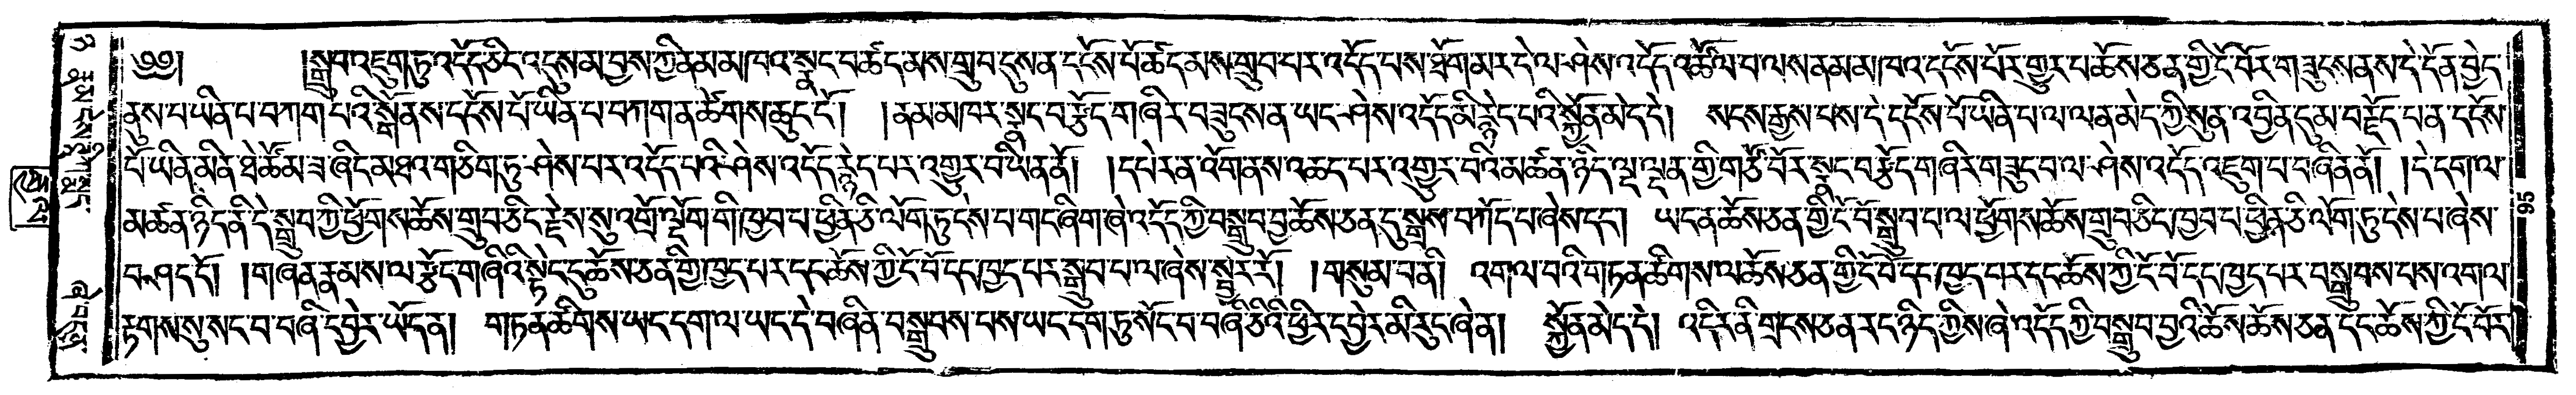༄༅། །སྒྲུབ་འཇུག་ཏུ་འདོད་ཅིང་འདུས་མ་བྱས་ཀྱི་ནམ་མཁའ་སྣང་བ་ཚད་མས་གྲུབ་དུས་ན་དངོས་པོ་ཚད་མས་གྲུབ་པར་འདོད་པས་ཐོག་མར་དེ་ལ་ཤེས་འདོད་འཚོལ་བ་ལས་ནམ་མཁའ་དངོས་པོར་གྱུར་པ་ཆོས་ཅན་གྱི་ངོ་བོར་གཟུངས་ནས་དེ་དོན་བྱེད་
ནུས་པ་ཡིན་པ་བཀག་པའི་སྒོ་ནས་དངོས་པོ་ཡིན་པ་བཀག་ན་ཚེགས་ཆུང་ངོ། །ནམ་མཁར་སྣང་བ་རྩོད་གཞིར་བཟུངས་ན་ཡང་ཤེས་འདོད་མི་རྙེད་པའི་སྐྱོན་མེད་དེ། སངས་རྒྱས་པས་དེ་དངོས་པོ་ཡིན་པ་ལ་ལན་མེད་ཀྱི་སུན་འབྱིན་དུ་མ་བརྗོད་པ་ན་དངོས་
པོ་ཡིན་མིན་ཐེ་ཚོམ་ཟ་ཞིང་མཐའ་གཅིག་ཏུ་ཤེས་པར་འདོད་པའི་ཤེས་འདོད་རྙེད་པར་འགྱུར་བ་ཡིན་ནོ། །དཔེར་ན་འོག་ནས་འཆད་པར་འགྱུར་བའི་མཚན་ཉིད་ལྔ་ལྡན་གྱི་གཙོ་བོར་སྣང་བ་རྩོད་གཞིར་གཟུང་བ་ལ་ཤེས་འདོད་འཇུག་པ་བཞིན་ནོ། །དེ་དག་ལ་
མཚན་ཉིད་ནི་དེ་སྒྲུབ་ཀྱི་ཕྱོགས་ཆོས་གྲུབ་ཅིང་རྗེས་སུ་འགྲོ་ལྡོག་གི་ཁྱབ་པ་ཕྱིན་ཅི་ལོག་ཏུ་ངེས་པ་གང་ཞིག་ཞེ་འདོད་ཀྱི་བསྒྲུབ་བྱ་ཆོས་ཅན་དུ་སྒྲས་བཀོད་པ་ཞེས་དང་། ཡང་ན་ཆོས་ཅན་གྱི་ངོ་བོ་སྒྲུབ་པ་ལ་ཕྱོགས་ཆོས་གྲུབ་ཅིང་ཁྱབ་པ་ཕྱིན་ཅི་ལོག་ཏུ་ངེས་པ་ཞེས་
བཤད་དོ། །གཞན་རྣམས་ལ་རྩོད་གཞིའི་སྟེང་དུ་ཆོས་ཅན་གྱི་ཁྱད་པར་དང་ཆོས་ཀྱི་ངོ་བོ་དང་ཁྱད་པར་སྒྲུབ་པ་ལ་ཞེས་སྦྱར་རོ། །གསུམ་པ་ནི། འགལ་བའི་གཏན་ཚིགས་ལ་ཆོས་ཅན་གྱི་ངོ་བོ་དང་ཁྱད་པར་དང་ཆོས་ཀྱི་ངོ་བོ་དང་ཁྱད་པར་བསྒྲུབས་པས་འགལ་
རྟགས་སུ་སང་བ་བཞི་དབྱེར་ཡོད་ན། གཏན་ཚིགས་ཡང་དག་ལ་ཡང་དེ་བཞིན་བསྒྲུབས་པས་ཡང་དག་ཏུ་སོང་བ་བཞི་ཅིའི་ཕྱིར་དབྱེར་མི་རུང་ཞེ་ན། སྐྱོན་མེད་དེ། འདིར་ནི་གྲངས་ཅན་རང་ཉིད་ཀྱིས་ཞེ་འདོད་ཀྱི་བསྒྲུབ་བྱའི་ཆོས་ཆོས་ཅན་དང་ཆོས་ཀྱི་ངོ་བོར་